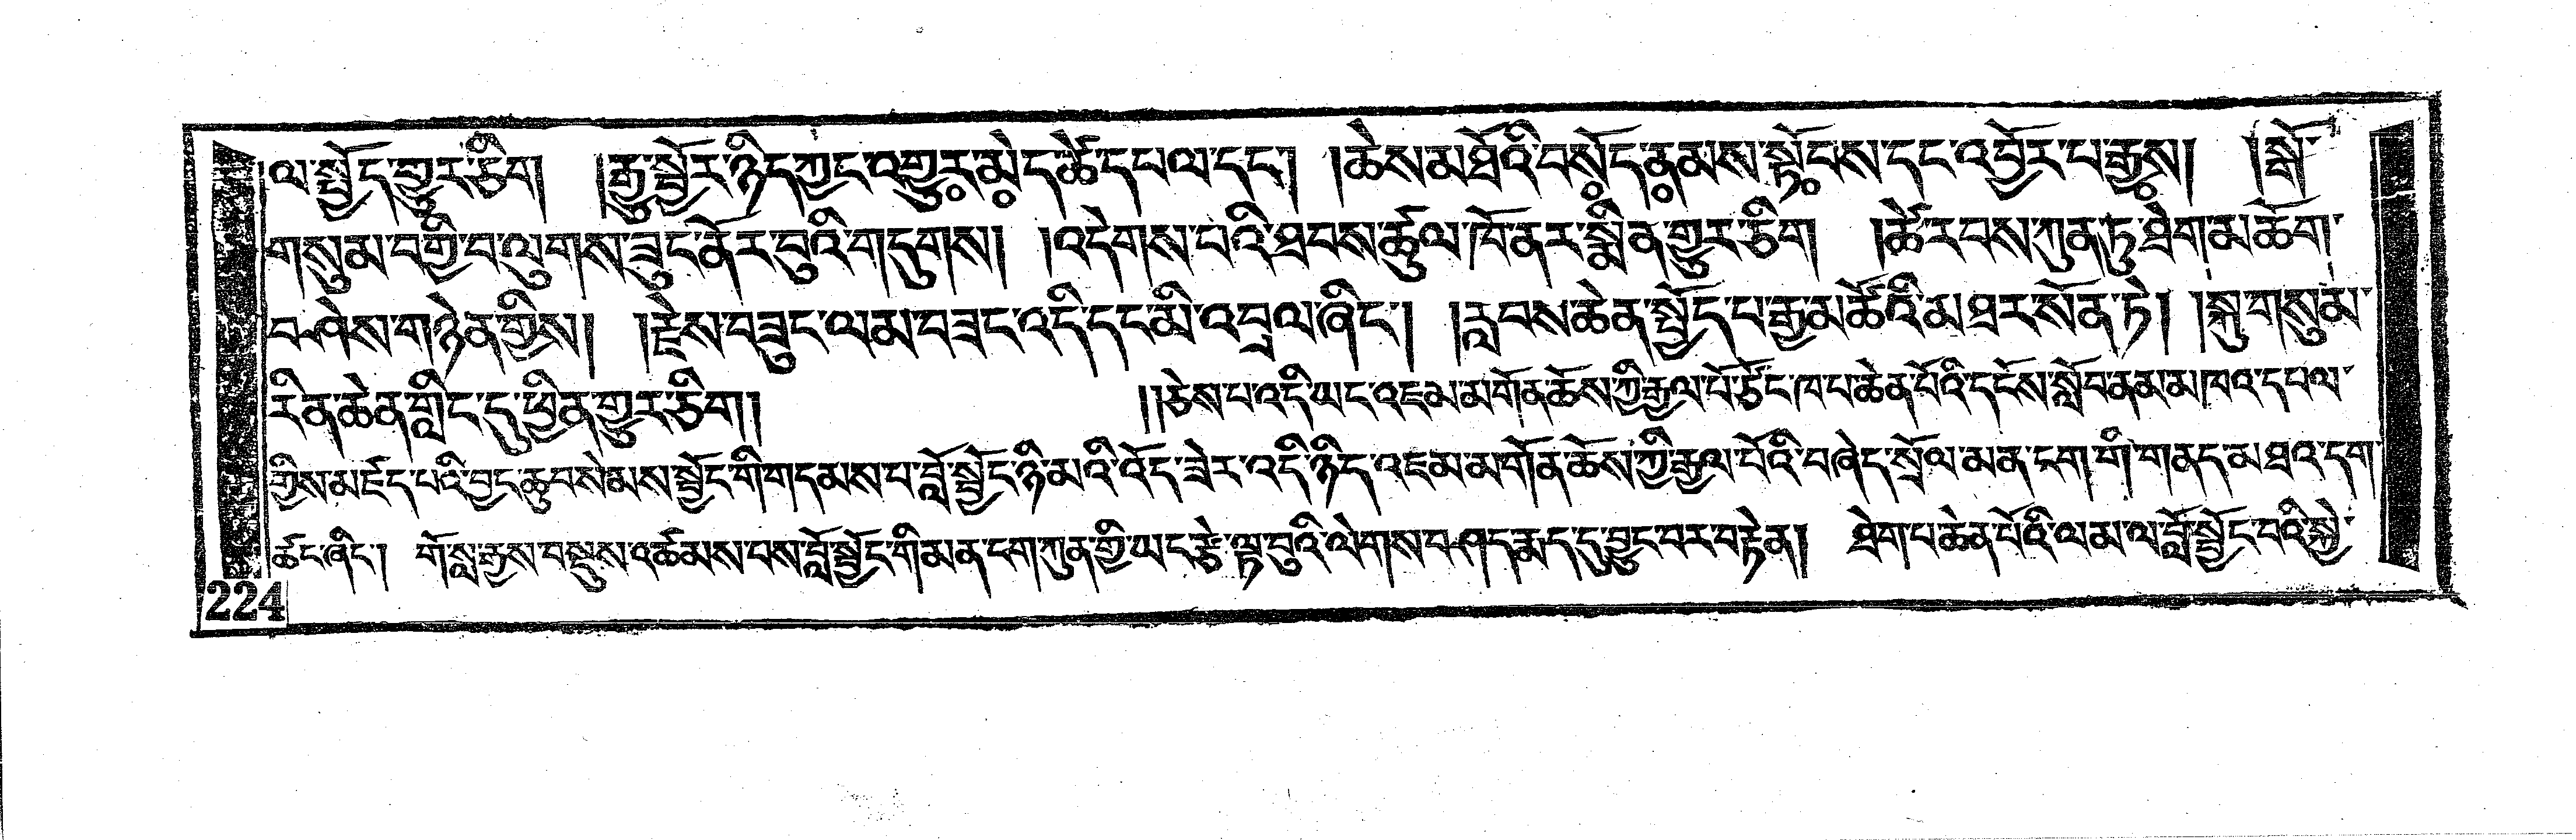ལ་སྤྱོད་གྱུར་ཅིག །རྒྱུ་སྦྱོར་ཉིད་ཀྱང་འགྱུར྾་མེད྾་ཚེ་དཔལ་དང་། །ཆེས་མཐོའི་བསོད྾་ནམས྾་སྟོབས྾་དང་འབྱོར་པ་རྒྱས། །སྒོ་
གསུམ་བགྱི་བ་ལུགས་ཟུང་ནོར་བུའི་གདུགས། །འདེགས་པའི་ཐབས་ཚུལ་ཁོ་ནར་སྨིན་གྱུར་ཅིག །ཚེ་རབ་ཀུན་ཏུ་ཐེག་མཆོག་
བཤེས་གཉེན་གྱིས། །རྗེས་བཟུང་ལམ་བཟང་འདི་དང་མི་འབྲལ་ཞིང་། །རླབས་ཆེན་སྤྱོད་པ་རྒྱ་མཚོའི་མཐར་སོན་ཏེ། །སྐུ་གསུམ་
རིན་ཆེན་གླིང་དུ་ཕྱིན་གྱུར་ཅིག ། །།ཅེས་པ་འདི་ཡང་འཇམ་མགོན་ཆོས་ཀྱི་རྒྱལ་པོ་ཙོང་ཁ་པ་ཆེན་པོའི་དངོས་སློབ་ནམ་མཁའ་དཔལ་
གྱིས་མཛད་པའི་བྱང་ཆུབ་སེམས་སྦྱོང་གི་གདམས་པ་བློ་སྦྱོང་ཉི་མའི་འོད་ཟེར་འདི་ཉིད་འཇམ་མགོན་ཆོས་ཀྱི་རྒྱལ་པོའི་བཞེད་སྲོལ་མན་ངག་གི་གནད་མཐའ་དག་
ཚང་ཞིང་། གོ་སླ་རྒྱས་བསྡུས་འཚམས་པས་བློ་སྦྱོང་གི་མན་ངག་ཀུན་གྱི་ཡང་རྩེ་ལྟ་བུའི་ལེགས་བཤད་རྨད་དུ་བྱུང་བར་བརྟེན། ཐེག་པ་ཆེན་པོའི་ལམ་ལ་བློ་སྦྱོང་བའི་སྐྱེ་